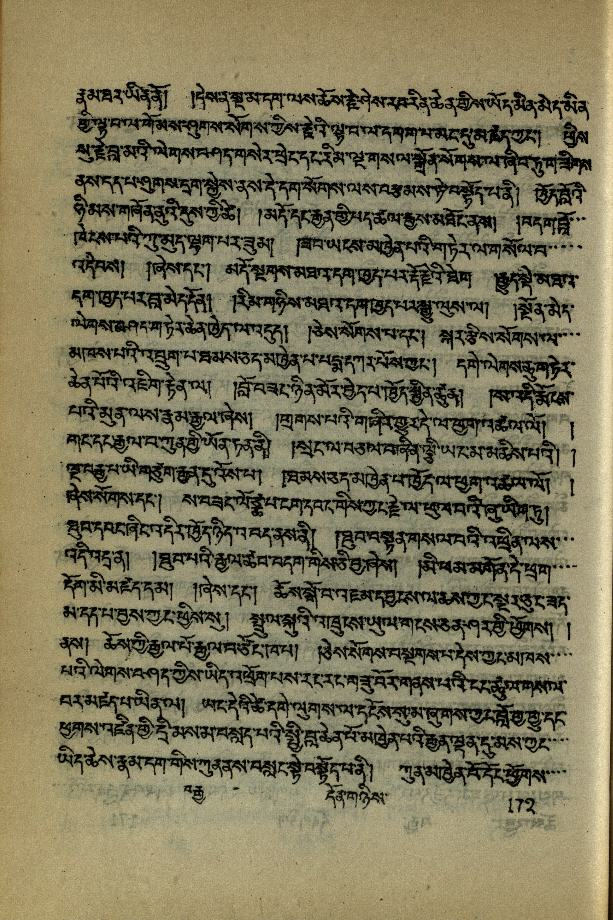རྣམ་ཐར་ཡིན་ནོ། །དེས་ན་སྔ་མ་དག་ལས་ཆོས་རྗེ་ཤེས་རབ་རིན་ཆེན་གྱིས་ཡོད་མིན་མེད་མིན་
གྱི་ལྟ་བ་ལ་གོམས་ཤུགས་སོགས་ཀྱིས་རྗེའི་ལྟ་བ་ལ་དགག་པ་མང་དུ་མཛད་ཀྱང་། ཕྱིས་
སུ་རྗེ་བླ་མའི་ལེགས་བཤད་གསེར་ཕྲེང་དང་རིམ་ལྔ་གསལ་སྒྲོན་སོགས་ལ་ཞིབ་ཏུ་གཟིགས་
ནས་དད་པ་ཤུགས་དྲག་སྐྱེས་ནས་དེ་དག་སོགས་ལས་བརྩམས་ཏེ་བསྟོད་པ་ནི། ཁྱོད་བློའི་
ཉི་མས་གཞོན་ནུའི་དུས་ཀྱི་ཚེ། །མདོ་དང་རྒྱན་གྱི་པད་ཚལ་རྒྱས་མཐོང་ནས། །བདག་བློ་
ཁེངས་པའི་ཀུ་མུད་ལྷག་པར་ཟུམ། །ཟབ་ཡངས་མཁྱེན་པའི་གཏེར་ལ་གསོལ་བ་
འདེབས། །ཞེས་དང་། མདོ་སྔགས་མཐའ་དག་ཁྱད་པར་རྡོ་རྗེའི་ཐེག །རྒྱུད་སྡེ་མཐའ་
དག་ཁྱད་པར་བླ་མེད་དོན། །རིམ་གཉིས་མཐའ་དག་ཁྱད་པར་སྒྱུ་ལུས་ལ། །སྔོན་མེད་
ལེགས་བཤད་གཏེར་ཆེན་ཁྱེད་ལ་འདུད། །ཅེས་སོགས་པ་དང་། སྐར་རྩིས་སོགས་ལ་
མཁས་པའི་འབྲུག་པ་ཐམས་ཅད་མཁྱེན་པ་པདམ་དཀར་པོས་ཀྱང་། དགེ་ལེགས་ཆུ་གཏེར་
ཆེན་པོའི་འཇིག་རྟེན་ལ། །བློ་བཟང་ཉིན་མོར་བྱེད་པ་ཁྱོད་སྦྱིན་ཚུན། །ས་འདི་རྨོངས་
པའི་མུན་ལས་རྣམ་རྒྱལ་ཞེས། །གྲགས་པའི་གཞིར་གྱུར་དེ་ལ་ཕྱག་འཚལ་ལོ། །
གང་དང་རྒྱལ་བ་ཀུན་གྱི་ཡོན་ཏན་ནི། །སྲང་ལ་བཅལ་བཞིན་ལྕི་ཡང་མ་མཆིས་པའི། །
ལྔ་བརྒྱ་པ་ཡི་གཙུག་རྒྱན་དུ་འོས་པ། །ཐམས་ཅད་མཁྱེན་པ་ཁྱོད་ལ་ཕྱག་འཚལ་ལོ། །
ཞེས་སོགས་དང་། ས་བཟང་ལོཙྪ་པ་ངག་དབང་གིས་ཀྱང་རྗེ་ལ་ཕུལ་བའི་ཞུ་ཡིག་ཏུ།
ཐུབ་དབང་ཞིང་འདིར་ཁྱོད་ཉིད་འབད་ནས་ནི། །ཐུབ་བསྟན་གསལ་བའི་འཕྲིན་ལས་
འདི་འདྲ་ན། །ཐུབ་པའི་རྒྱལ་ཚབ་བདག་གིས་ཅི་བྱ་ཞེས། །མི་ཕམ་མགོན་དེ་ཕྲག་
དོག་མི་མཛད་དམ། །ཞེས་དང་། ཆོས་སྒོ་བ་འཇམ་དབྱངས་ལ་ཆས་ཀྱང་སྔར་ཅུང་ཟད་
མ་དད་པ་བྱས་ཀྱང་ཕྱིས་སུ། སྤྲུལ་སྐུའི་འཁྲུངས་ཡུལ་གངས་ཅན་ཤར་གྱི་ཕྱོགས། །
ནས། ཆོས་ཀྱི་རྒྱལ་པོ་རྒྱལ་བ་ཙོང་ཁ་པ། །ཅེས་སོགས་བསྔགས་པ་དེས་ཀྱང་མཁས་
པའི་ལེགས་བཤད་ཀྱིས་ཡིད་འཕྲོག་པས་རང་རང་གཟུ་བོར་གནས་པའི་ངང་ཚུལ་གསལ་
བར་མཛད་པ་ཡིན་ལ། ཡང་དེའི་ཚེ་དགེ་ལུགས་ལ་དངོས་སུ་མ་ཞུགས་ཀྱང་བློ་གྱ་གྱུ་དང་
ཕྱགས་འཛིན་གྱི་དྲི་མས་མ་བསླད་པའི་སྤྱི་བླ་ཆེན་པོ་མཁྱེན་པའི་རྒྱན་ལྡན་དུ་མས་ཀྱང་
ཡིད་ཆེས་རྣམ་དག་གིས་ཀུན་ནས་བསླང་སྟེ་བསྟོད་པ་ནི། ཀུན་མཁྱེན་བོ་དོང་ཕྱོགས་